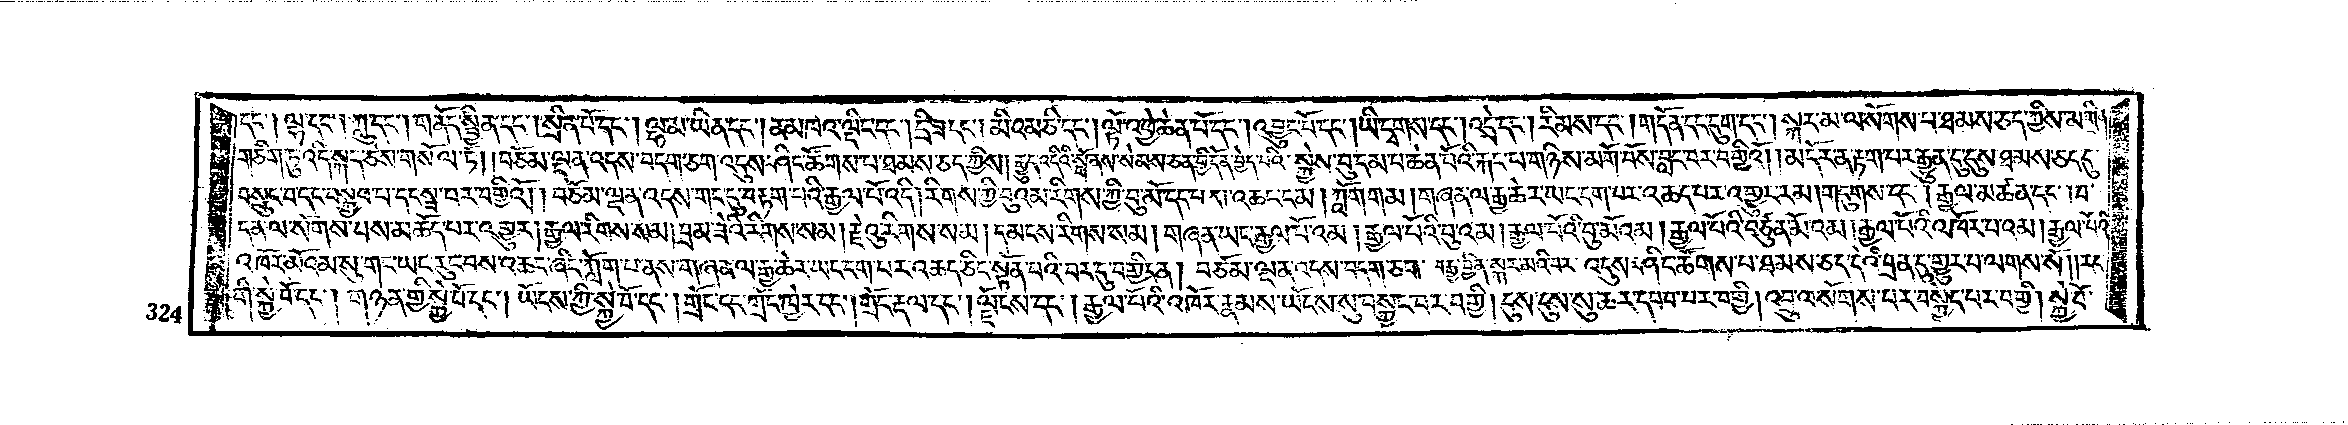དང་། ལྷ་དང་། ཀླུ་དང་། གནོད་སྦྱིན་དང་། སྲིན་པོ་དང་། ལྷ་མ་ཡིན་དང་། ནམ་མཁའ་ལྡིང་དང་། དྲི་ཟ་དང་། མི་འམ་ཅི་དང་། ལྟོ་འཕྱེ་ཆེན་པོ་དང་། འབྱུང་པོ་དང་། ཡི་དྭགས་དང་། འདྲེ་དང་། རིམས་དང་། གདོན་དང་དུག་དང་། སྐར་མ་ལ་སོགས་པ་ཐམས་ཅད་ཀྱིས་མགྲིན་
གཅིག་ཏུ་འདི་སྐད་ཅེས་གསོལ་ཏོ། །བཅོམ་ལྡན་འདས་བདག་ཅག་འདུས་ཤིང་ཚོགས་པ་ཐམས་ཅད་ཀྱིས། རྒྱུད་འདིའི་སྒོ་ནས་སེམས་ཅན་གྱི་དོན་བྱེད་པའི་སྐྱེས་བུ་དམ་པ་ཆེན་པོའི་རྐང་པ་གཉིས་མགོ་བོས་བླང་བར་བགྱིའོ། །མདོར་ན་རྟག་པར་རྒྱུན་དུ་དུས་ཐམས་ཅད་དུ་
བསྲུང་བ་དང་བསྐྱབ་པ་དང་སྦ་བར་བགྱིའོ། །བཅོམ་ལྡན་འདས་གང་དུ་བརྟག་པའི་རྒྱལ་པོ་འདི། རིགས་ཀྱི་བུའམ་རིགས་ཀྱི་བུ་མོ་དང་པག་?་འཚང་ངམ། ཀློག་གམ། གཞན་ལ་རྒྱ་ཆེར་ཡང་དག་པར་འཆད་པར་འགྱུར་རམ། གདུགས་དང་། རྒྱལ་མཚན་དང་། བ་
དན་ལ་སོགས་པས་མཆོད་པར་འགྱུར། རྒྱལ་རིགས་སམ། བྲམ་ཟེའི་རིགས་སམ། རྗེའུ་རིགས་སམ། དམངས་རིགས་སམ། གཞན་ཡང་རྒྱལ་པོ་འམ། རྒྱལ་པོའི་བུ་འམ། རྒྱལ་པོའི་བུ་མོའམ། རྒྱལ་པོའི་བཙུན་མོ་འམ། རྒྱལ་པོའི་འཁོར་པ་འམ། རྒྱལ་པོའི་
འཁོར་མོའམ་སུ་གང་ཡང་རུང་བས་འཆང་ཞིང་ཀློག་པ་ནས་གཞན་ལ་རྒྱ་ཆེར་ཡང་དག་པར་འཆད་ཅིང་སྟོན་པའི་བར་དུ་བགྱིད་ན། བཅོམ་ལྡན་འདས་བདག་ཅག་བརྒྱ་བྱིན་སྐར་མའི་བར་འདུས་ཤིང་ཚོགས་པ་ཐམས་ཅད་དེའི་བྲན་དུ་གྱུར་པ་ལགས་སོ། །རང་
གི་སྐྱེ་བོ་དང་། གཉན་གྱི་སྐྱེ་བོ་དང་། ཡོངས་ཀྱི་སྐྱེ་བོ་དང་། གྲོང་དང་གྲོང་ཁྱེར་དང་། གྲོང་རྡལ་དང་། ལྗོངས་དང་། རྒྱལ་པོའི་འཁོར་རྣམས་ཡོངས་སུ་བསྐྱང་བར་བགྱི། དུས་དུས་སུ་ཆར་དབབ་པར་བགྱི། འབྲུ་ལ་སོགས་པར་བསྐྱེད་པར་བགྱི། སྐྱེ་བོ་